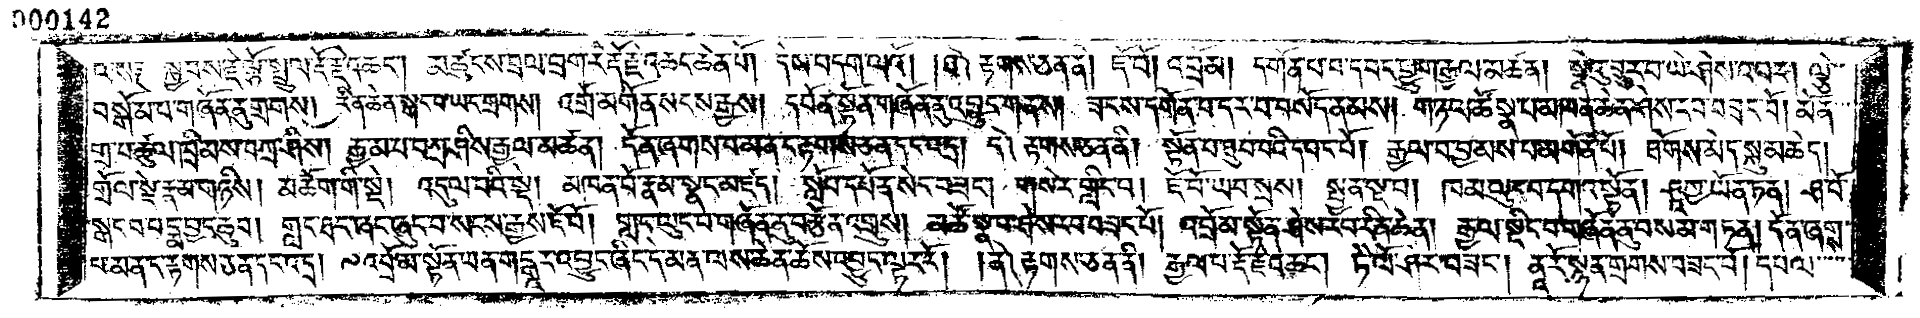ལས༑ སྐྱབས་རྗེ་ལྷོ་སྤྲུལ་རྡོ་རྗེ་འཆང་། མཚུངས་བྲལ་བྲག་རི་རྡོ་རྗེ་འཆང་ཆེན་པོ། དེས་བདག་ལའོ། །ཐ་རྟགས་ཅན་ནི། ཇོ་བོ། འབྲོམ། དགོན་པ་དབང་ཕྱུག་རྒྱལ་མཚན། སྣེའུ་ཟུར་བ་ཡེ་ཤེས་འབར། ལྕེ་
བསྒོམ་པ་གཞོན་ནུ་གྲགས། རིན་ཆེན་སྒང་བ་ཡང་གྲགས།  འགྲོ་མགོན་སངས་རྒྱས། དབོན་སྟོན་གཞོན་ནུ་འབྱུང་གནས། ཟངས་དགོན་པ་དར་བ་བསོད་ནམས། གཉལ་ཚོ་སྣ་པ་མཁན་ཆེན་ཤེས་རབ་བཟང་པོ། མོན་
གྲ་པ་ཚུལ་ཁྲིམས་བཀྲ་ཤིས། རྒྱ་མ་པ་བཀྲ་ཤིས་རྒྱལ་མཚན། དོན་ཞགས་པ་མན་ང་རྟགས་ཅན་དང་འདྲ། ད་རྟགས་ཅན་ནི། སྟོན་པ་ཐུབ་པའི་དབང་པོ། རྒྱལ་བ་བྱམས་པ་མགོན་པོ། ཐོགས་མེད་སྐུ་མཆེད།
གྲོལ་སྡེ་རྣམ་གཉིས། མཆོག་གི་སྡེ། འདུལ་བའི་སྡེ། མཁན་པོ་རྣམ་སྣང་མཛད། སློབ་དཔོན་སེང་བཟང་། གསེར་གླིང་བ། ཇོ་བོ་ཡབ་སྲས། སྤྱན་སྔ་བ། ཁམ་ལུང་བ་དགའ་སྟོན། ཤཱཀྱ་ཡོན་ཏན། ཤ་བོ་
སྒང་བ་པདམ་བྱང་ཆུབ། གླང་ཐར་ཞང་ཞུང་པ་སངས་རྒྱས་ཇོ་བོ། གླང་ལུང་བ་གཞོན་ནུ་བརྩོན་འགྲུས། མཚོ་སྣ་བ་ཤེས་རབ་བཟང་པོ། འབྲོམ་སྟོན་ཤེས་རབ་རིན་ཆེན། རྒྱལ་སྡིང་བ་གཞོན་ནུ་བསམ་གཏན། དོན་ཞགས་
པ་མན་ང་རྟགས་ཅན་དང་འདྲ། ༧འབྲོམ་སྟོན་ཡན་གངྒཱར་འབྱུང་ཞིང་དེ་མན་ལས་ཆེན་ཆོས་འབྱུང་ལྟར་རོ། །ན་རྟགས་ཅན་ནི། རྒྱལ་པ་རྡོ་རྗེ་འཆང་། ཏཻ་ལོ་ཤར་བཟང་། ནཱ་རོ་སྙན་གྲགས་བཟང་པོ། དཔལ་